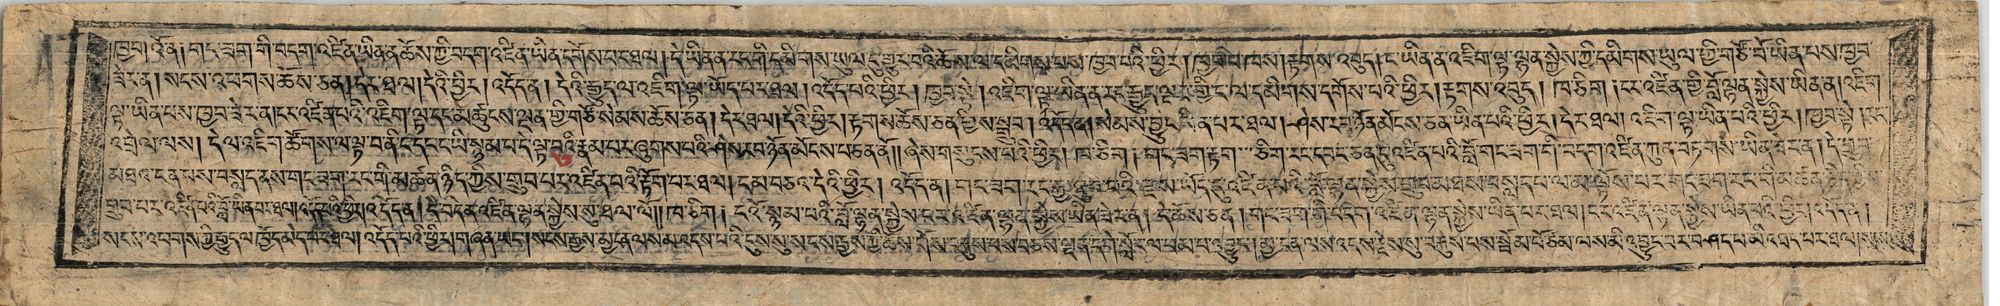ཁྱབ། འོ་ན། གང་ཟག་གི་བདག་འཛིན་ཡིན་ན་ཆོས་ཀྱི་བདག་འཛིན་ཡིན་དགོས་པར་ཐལ། དེ་ཡིན་ན་རང་གི་དམིགས་ཡུལ་དུ་གྱུར་པའི་ཆོས་ལ་དམིགས་པས་ཁྱབ་པའི་ཕྱིར། ཁྱབ་པ་ཁས། རྟགས་འབུད། ང་ཡིན་ན་འཇིག་ལྟ་ལྷན་སྐྱེས་ཀྱི་དམིགས་ཡུལ་གྱི་གཙོ་བོ་ཡིན་པས་ཁྱབ་
ཟེར་ན། སངས་འཕགས་ཆོས་ཅན། དེར་ཐལ། དེའི་ཕྱིར། འདོད་ན། དེའི་རྒྱུད་ལ་འཇིག་ལྟ་ཡོད་པར་ཐལ། འདོད་པའི་ཕྱིར། ཁྱབ་སྟེ། འཇིག་ལྟ་ཡིན་ན་རང་རྒྱུད་ལྡན་གྱི་ང་ལ་དམིགས་དགོས་པའི་ཕྱིར། རྟགས་འབུད། ཁ་ཅིག །ངར་འཛིན་གྱི་བློ་ལྷན་སྐྱེས་ཡིན་ན། འཇིག་
ལྟ་ཡིན་པས་ཁྱབ་ཟེར་ན། ངར་འཛིན་པའི་འཇིག་ལྟ་དང་མཚུངས་ལྡན་གྱི་གཙོ་སེམས་ཆོས་ཅན། དེར་ཐལ། དེའི་ཕྱིར། རྟགས་ཆོས་ཅན་གྱིས་སྒྲུབ། འདོད་ན། སེམས་བྱུང་ཡིན་པར་ཐལ། ཤེས་རབ་ཉོན་མོངས་ཅན་ཡིན་པའི་ཕྱིར། དེར་ཐལ། འཇིག་ལྟ་ཡིན་པའི་ཕྱིར། ཁྱབ་སྟེ། རང་
འགྲེལ་ལས། དེ་ལ་འཇིག་ཚོགས་ལ་ལྟ་བ་ནི་ང་དང་ང་ཡི་སྙམ་པ་དེ་ལྟ་བུའི་རྣམ་པར་ཞུགས་པའི་ཤེས་རབ་ཉོན་མོངས་པ་ཅན་ནོ། །ཞེས་གསུངས་པའི་ཕྱིར། ཁ་ཅིག ། གང་ཟག་རྟག་ཅིག་རང་དབང་ཅན་དུ་འཛིན་པའི་བློ་གང་ཟག་གི་བདག་འཛིན་ཀུན་བཏགས་ཡིན་ཟེར་ན། དེ་གྲུབ་
མཐའ་ངན་པས་བསླད་ནས་གང་ཟག་རང་གི་མཚན་ཉིད་ཀྱིས་གྲུབ་པར་འཛིན་པའི་རྟོག་པར་ཐལ། དམ་བཅའ་དེའི་ཕྱིར། འདོད་ན། གང་ཟག་རང་རྐྱ་ཐུབ་པའི་རྫས་ཡོད་དུ་འཛིན་པའི་བློ་ལྷན་སྐྱེས་གྲུབ་མཐས་བསླད་པ་ལ་མ་ལྟོས་པར་གང་ཟག་རང་གི་མཚན་ཉིད་ཀྱིས་
གྲུབ་པར་འཛིན་པའི་བློ་ཡིན་པར་ཐལ། འདོད་པའི་ཕྱིར། འདོད་ན། དེ་བདེན་འཛིན་ལྷན་སྐྱེས་སུ་ཐལ་ལོ། ཁ་ཅིག ། ངའོ་སྙམ་པའི་བློ་ལྷན་སྐྱེས་ངར་འཛིན་ལྷན་སྐྱེས་ཡིན་ཟེར་ན། དེ་ཆོས་ཅན། གང་ཟག་གི་བདག་འཛིན་ལྷན་སྐྱེས་ཡིན་པར་ཐལ། ངར་འཛིན་ལྷན་སྐྱེས་ཡིན་པའི་ཕྱིར། འདོད་ན།
སངས་འཕགས་ཀྱི་རྒྱུད་ལ་ཁྱོད་མེད་པར་ཐལ། འདོད་པའི་ཕྱིར། གཞན་ཡང་། སངས་རྒྱས་མྱ་ངན་ལས་མ་འདས་པའི་དུས་སུ་སངས་རྒྱས་ཀྱི་ཆོས་གོས་བརྐུས་པས་བཅས་ལྡན་དགེ་སློང་ལ་ཕམ་པ་འབྱུང་། མྱ་ངན་ལས་འདས་རྗེས་སུ་བརྐུས་པས་སྦོམྤོ་ཙམ་ལས་མི་འབྱུང་བར་བཤད་པ་མི་འཐད་པར་ཐལ། སངས་